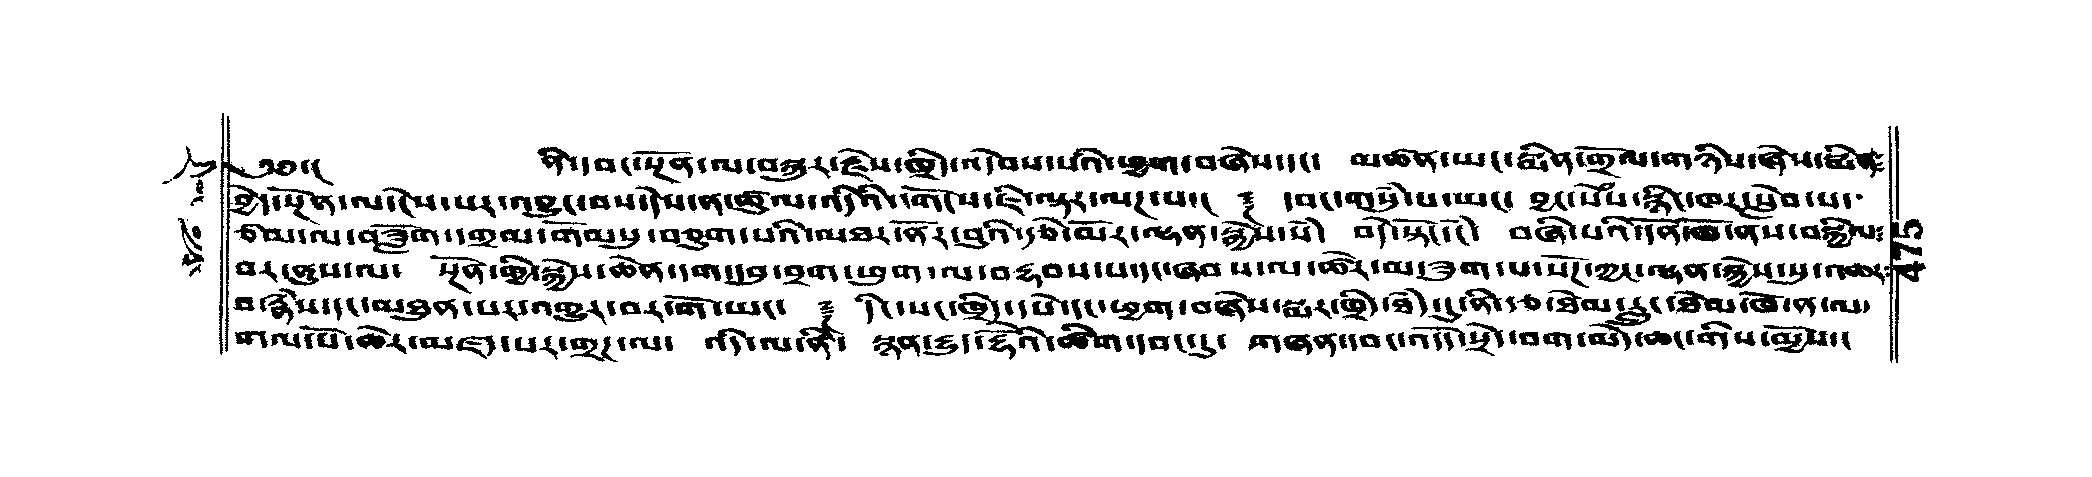ནི་དབང་སྔོན་ལ་བསྐུར་རྗེས་ཁྲིད་འདེབས་པའི་ཕྱག་བཞེས་དང་། མཚན་ཡང་སྨིན་གྲོལ་གཉིས་ཞེས་སྨིན་
བྱེད་སྔོན་ལ་ངེས་པར་འབྱུང་བས་དེས་ན་ཚུལ་འདིའི་དགོངས་པ་ཇི་ལྟར་ལགས། ༈ དབང་གསུམ་པ་ཡང་། བྱང་སེམས་སྙིང་ཁར་སླེབས་པ་
ཙམ་ལ་བཟློག་དགྲམ་གོམས་སུ་བཅུག་པའི་མཐར་ནོར་བུའི་རྩེ་མོར་ལྷན་སྐྱེས་སམ། བདེ་སྟོང་ངམ། བཞི་པའི་དོན་ཁོ་ནས་བསྐྱིལ་
བར་ནུས་ལ། སྔོན་གྱི་སྐྱེས་ཆེན་དག་དབུ་བྲག་ཕུག་ལ་བརྡབས་པ་དང་ཞབས་ལ་ཚེར་མ་ཟུག་པ་སོགས་ཀྱང་ལྷན་སྐྱེས་སུ་འཆར་
བ་རྣམས་དང་མཐུན་པར་འགྱུར་བར་གོ་ཡང་། དིང་སང་ཁྲིད་དཔེ་དང་ཕྱག་བཞེས་དམར་ཁྲིད་ཐམས་ཅད་དུ་ནི་རྩ་ཐེམ་རླུང་ཐེམ་ཁོ་ན་ལ་
གལ་པོ་ཆེར་མཛད་པར་གྲགས་ལ། འདི་ལ་ནི། སྙན་རྒྱུད་རྡོ་རྗེའི་ཚིག་རྐང་དུ། གཞན་དབང་འདོད་སྲེད་བག་མེད་ཆང་གིས་མྱོས།